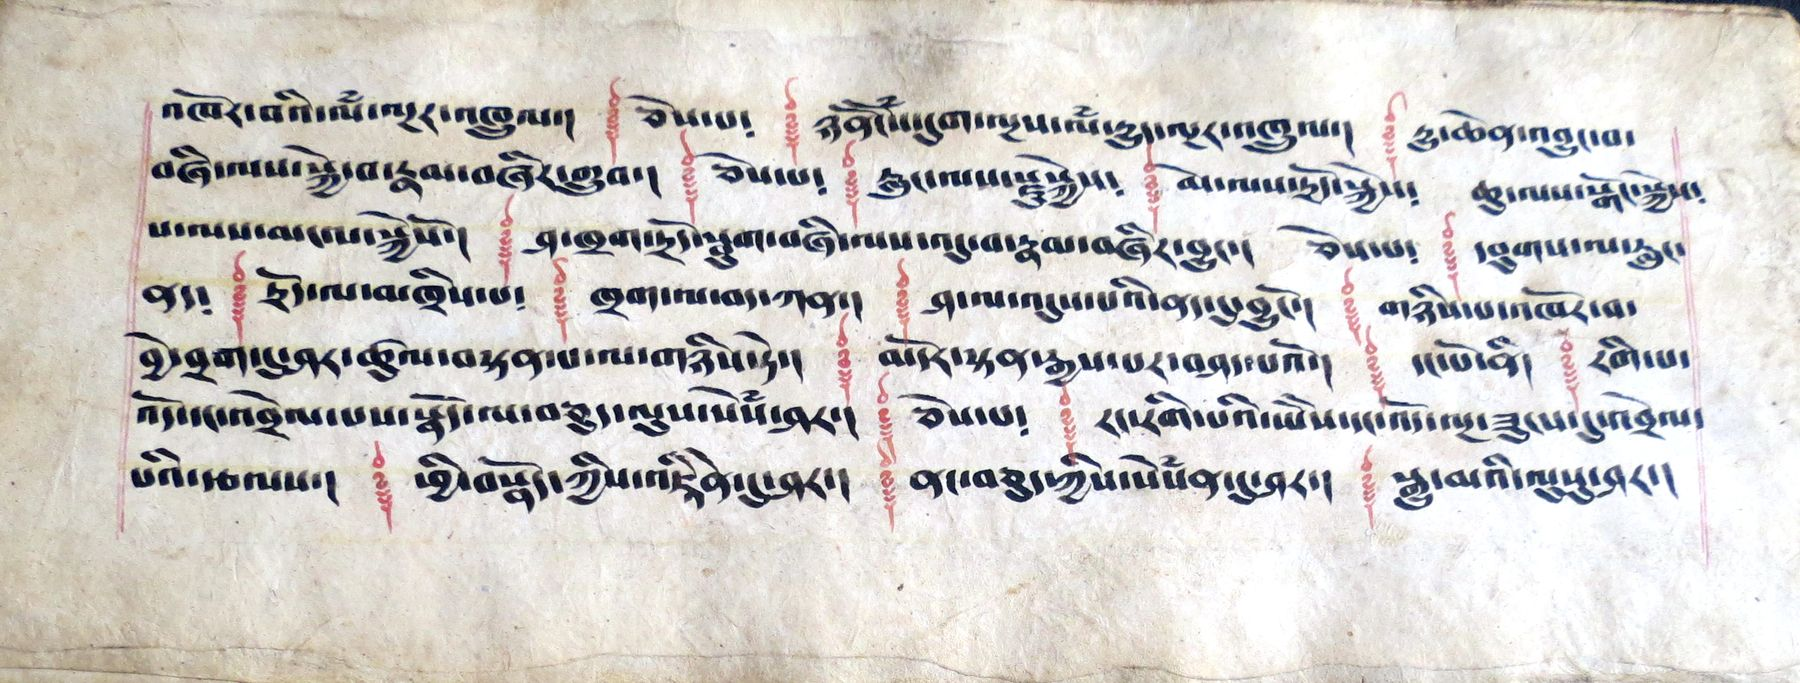འཁོར་བའི་ལམ་ལྔར་འཁྲུལ། །ཞེས་པས་ཉོན་མོངས་དུག་ལྔས་ལམ་རྒྱུ་ལྔར་འཁྲུལ། རྒྱུ་ཆེན་འབྱུང་བ་
བཞི་ལས་སྐྱེ་བ་རྣམ་བཞིར་གྲུབ། །ཞེས་པས། རླུང་ལས་རྫུས་སྐྱེས། མེ་ལས་དྲོད་སྐྱེས། ཆུ་ལས་སྒོང་སྐྱེས། 
ས་ལས་མངལ་སྐྱེས་སོ། །ཤ་ཁྲག་དྲོད་དབུགས་བཞི་ལས། འདུ་བ་རྣམ་བཞིར་བྱུང་། །ཞེས་པས་དབུགས་ལས་རླུང་
ནད། དྲོད་ལས་མཁྲིས་པ། ཁྲག་ལས་བད་ཀན། ཤ་ལས་འདུས་པའི་ནད་དུ་བྱུང་ངོ་། །གཉིས་པ་འཁོར་བ་
བྱེ་བྲག་ཏུ་ཤར་ཚུལ་བསྟན་པ་ལ་གཉིས་ཏེ། མདོར་བསྟན་རྒྱས་པར་བཤད་པའོ། །དང་པོ་ནི། རིག་པ་
འོད་དང་འབྲེལ་བས་སྣོད་བཅུད་ལུས་སེམས་ཤར། །ཅེས་པས་རང་རིག་པའི་ཡེ་ཤེས་དང་འོད་ལྔ་ཟུང་དུ་འབྲེལ་
བའི་རྩལ་ལས། ཕྱི་སྣོད་ཀྱི་འཇིག་རྟེན་དུ་ཤར། ནང་བཅུད་ཀྱི་སེམས་ཅན་དུ་ཤར། སྒྱུ་མའི་ལུས་སུ་ཤར།